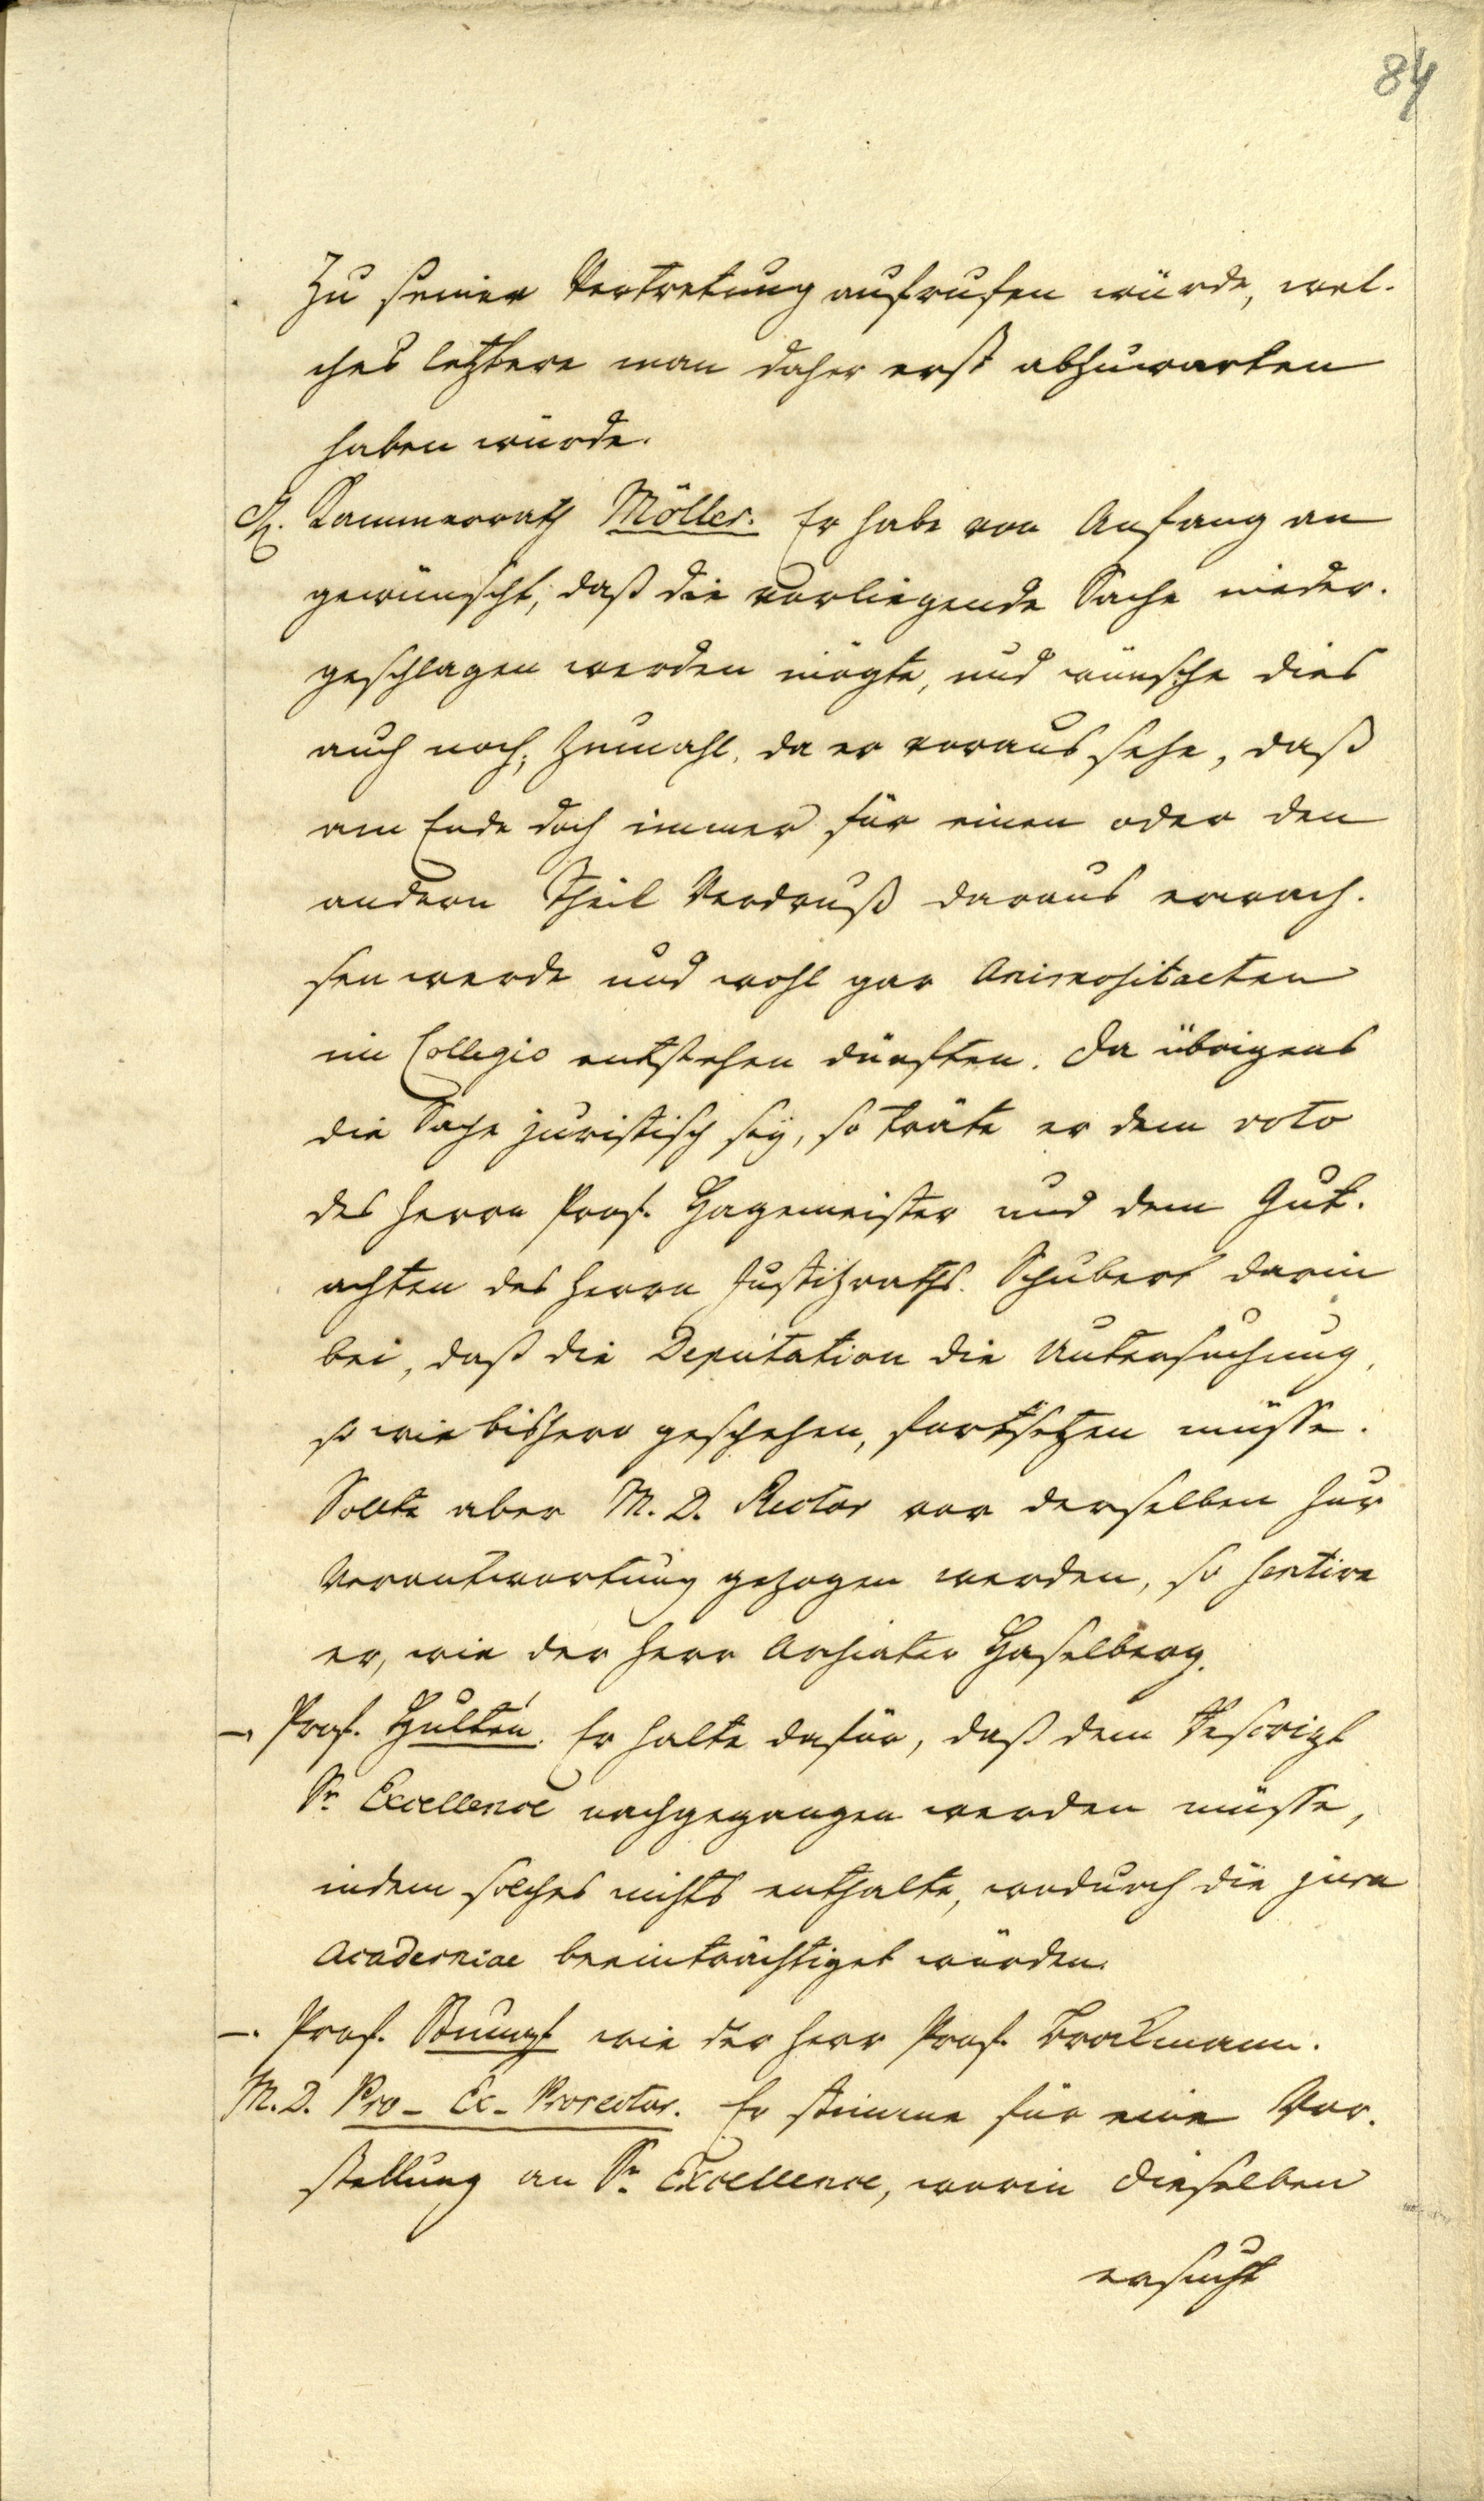zu seiner Vertretung aufrufen würde, wel¬
ches letztere man daher erst abzuwarten
haben würde.
dh. Kammerrath Möller. Er habe von Anfang an
gewünscht, daß die vorliegende Sache nieder¬
geschlagen werden mögte, und wünsche dies
auch noch, zumahl, da er voraus sehe, daß
am Ende doch immer für einen oder den
andern Theil Verdruß daraus erwach¬
sen werde und wohl gar Animositaeten
im Collegio entstehen dürften Da übrigens
die Sache juristisch seÿ, so träte er dem voto
des Herrn Prof. Hagemeister und dem Gut¬
achten des Herrn Justizraths Schubert darin
bei, daß die Deputation die Untersuchung
so wie bishero geschehen, fortsetzen müsse.
Sollte aber M. D. Rector vor derselben zur
Verantwortung gezogen werden, so sentire
er, wie der Herr Archiater Haselberg.
Prof. Hultén. Er halte dafür, daß dem Rescript
Sr Excellence nachgegangen werden müsse,
indem solches nichts enthalte, wodurch die jura
Academiae beeinträchtiget würden.
Prof. Stumpf wie der Herr Prof. Brockmann.
M. D. Pro. Ex. Prorector. Er stimme für eine Vor¬
stellung an Sr Excellence, worin dieselben
ersucht